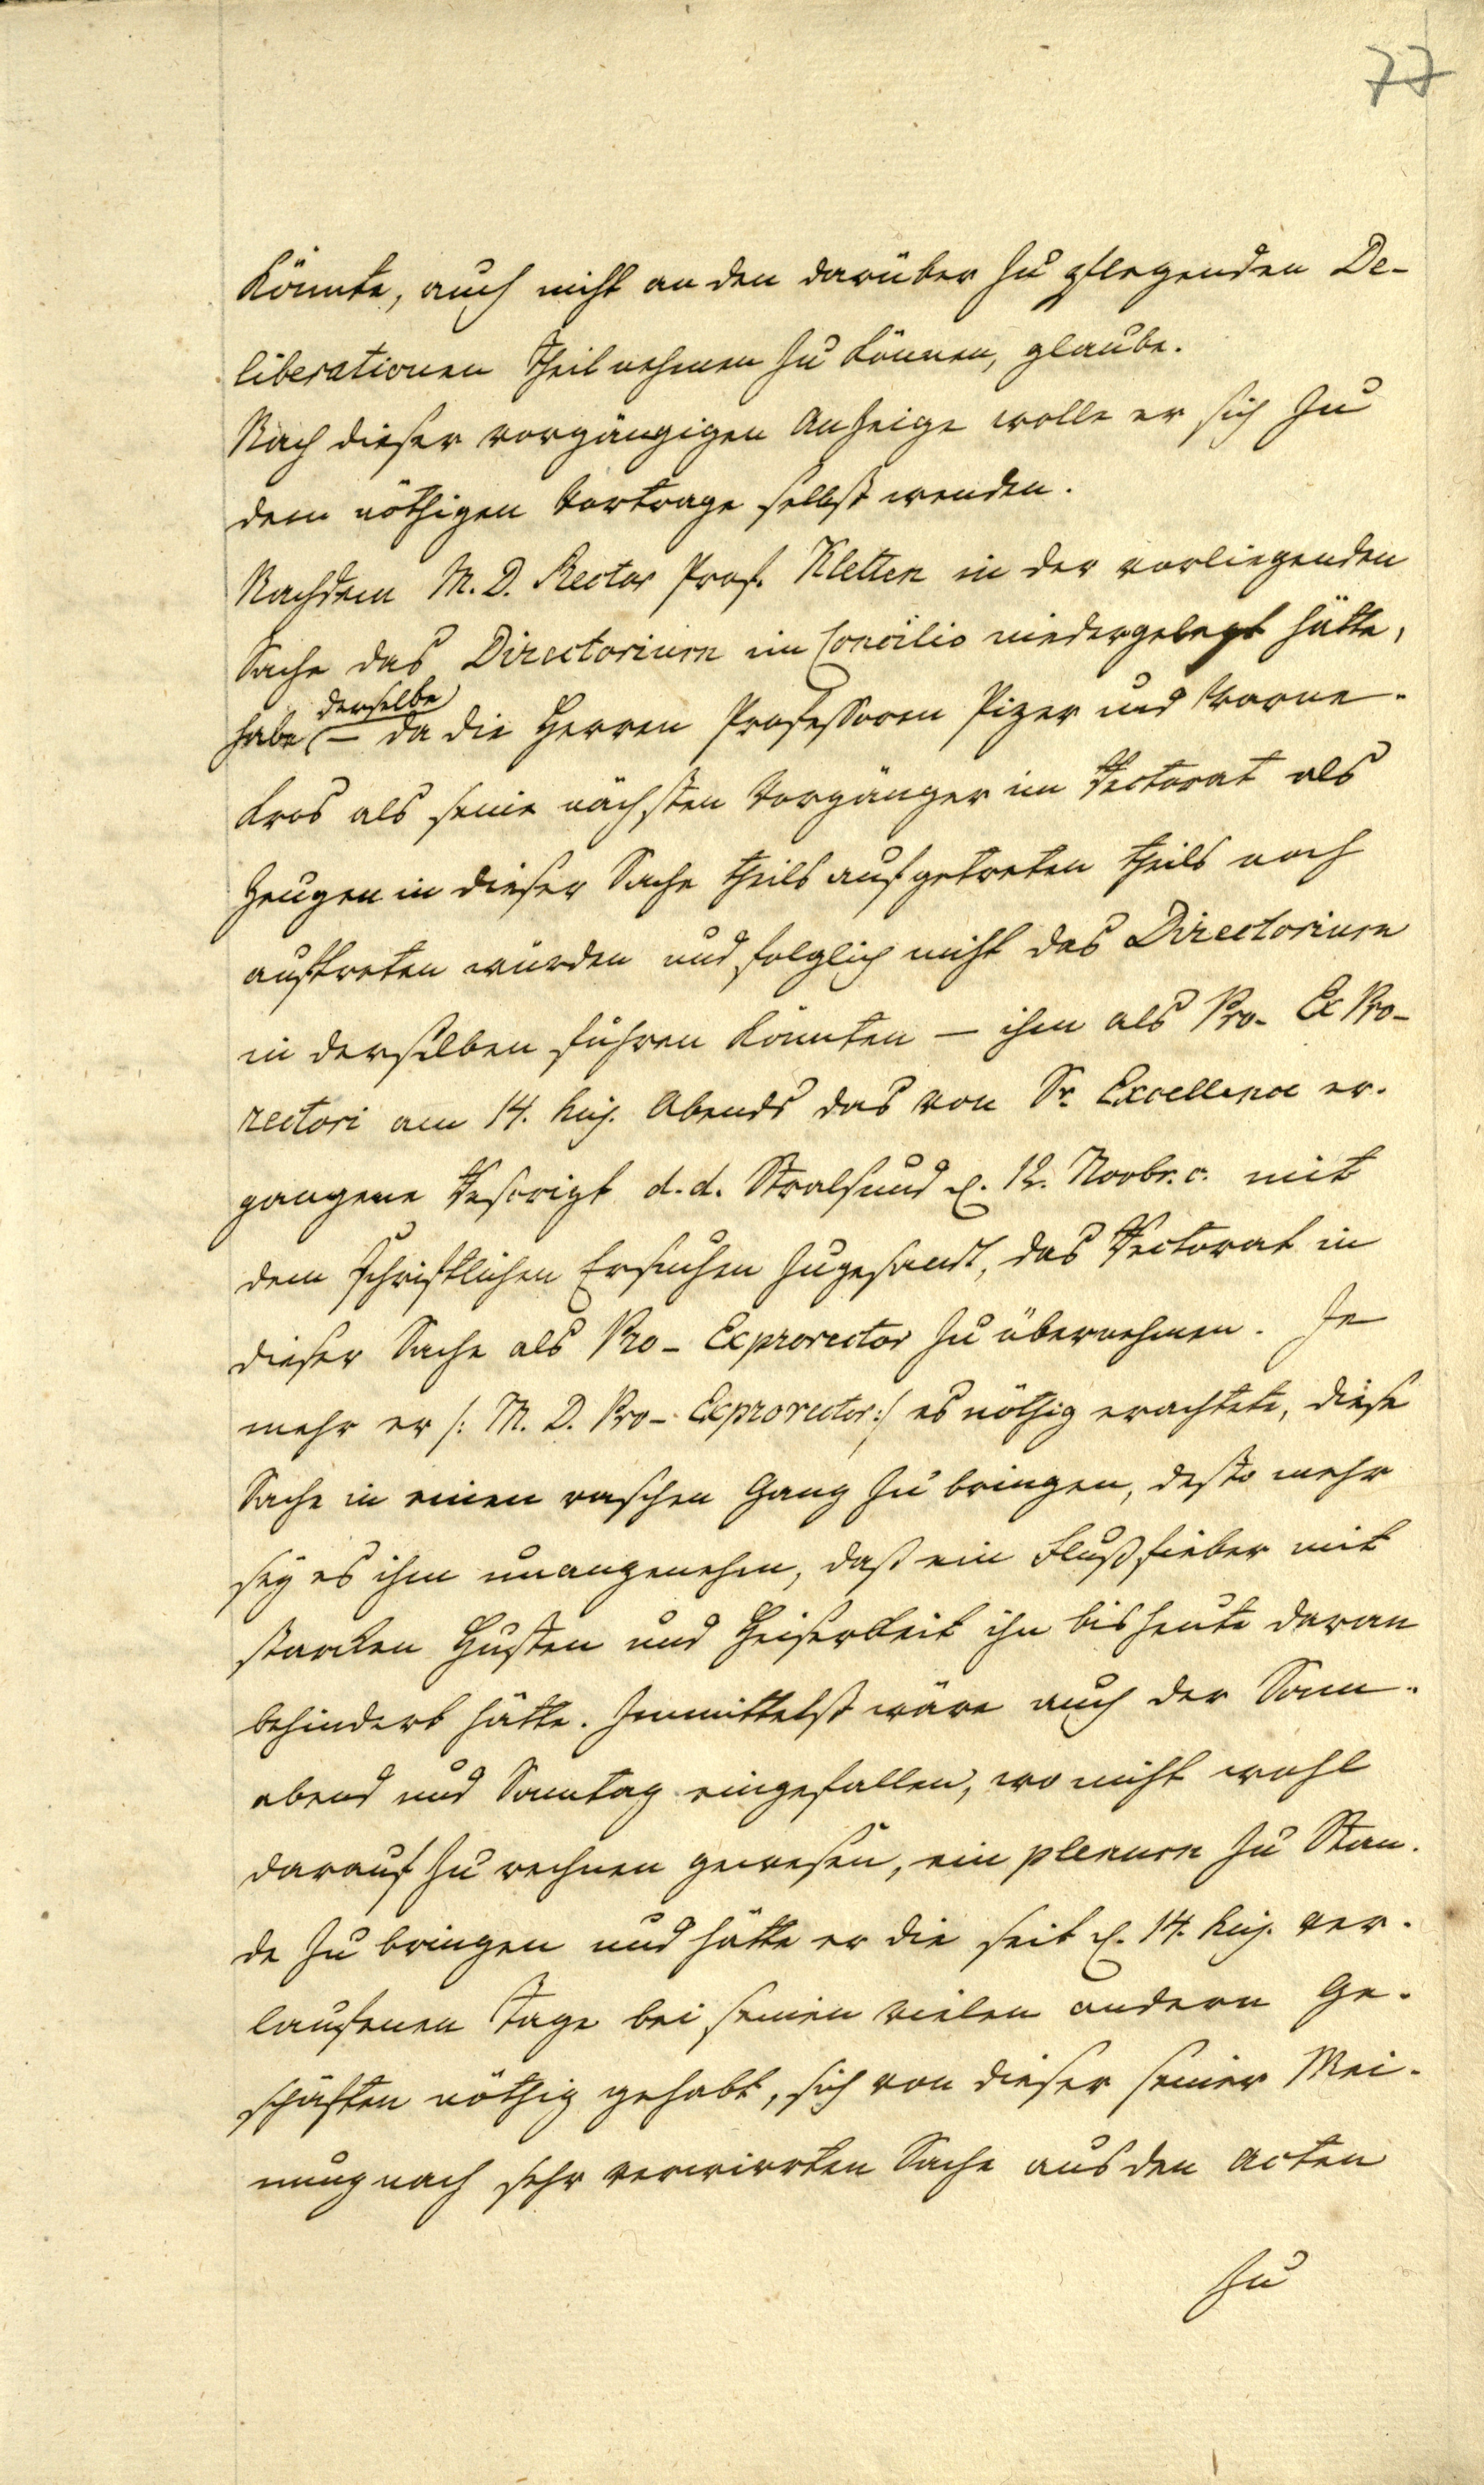könnte, auch nicht an den darüber zu gflegenden De¬
liberationen Theil nehmen zu können, glaube.
Nach dieser vorgängigen Anzeige wolle er sich zu
dem nöthigen Vortrage selbst wenden.
Nachdem M. D. Rector Prof. Kletten in der vorliegenden
Sache das Directorium im Concilio niedergelegt hätte,
habe derselbe - da die Herren Professoren Piper und Warne¬
kris als seine nächsten Vorgänger im Rectorat als
Zeugen in dieser Sache theils aufgetreten theils noch
auftreten würden und folglich nicht das Directorium
in derselben führen könnten - ihm als Pro. Ex. Pro¬
rectori am 14. huj. Abends das von Sr. Excellence er¬
gangene Rescript d. d. Stralsund d. 12. Novbr. c. mit
dem schriftlichen Ersuchen zugesandt, das Rectorat in
dieser Sache als Pro. Exprorector zu übernehmen. Je
mehr er /: M. D. Pro. Exprorector:/ es nöthig erachtete, diese
Sache in einen raschen Gang zu bringen, desto mehr
seÿ es ihm unangenehm, daß ein Flußfieber mit
starcken Husten und Heiserkeit ihn bis heute daran
behindert hätte. Immittelst wäre auch der Sonn¬
abend und Sonntag eingefallen, wo nicht wohl
darauf zu rechnen gewesen, ein plenum zu Stan¬
de zu bringen und hätte er die seit l. 14 huj. ver¬
laufenen Tage bei seinen vielen andern Ge¬
schäften nöthig gehabt, sich von dieser seiner Mei¬
nung nach sehr verwirrten Sache aus den Acten
zu